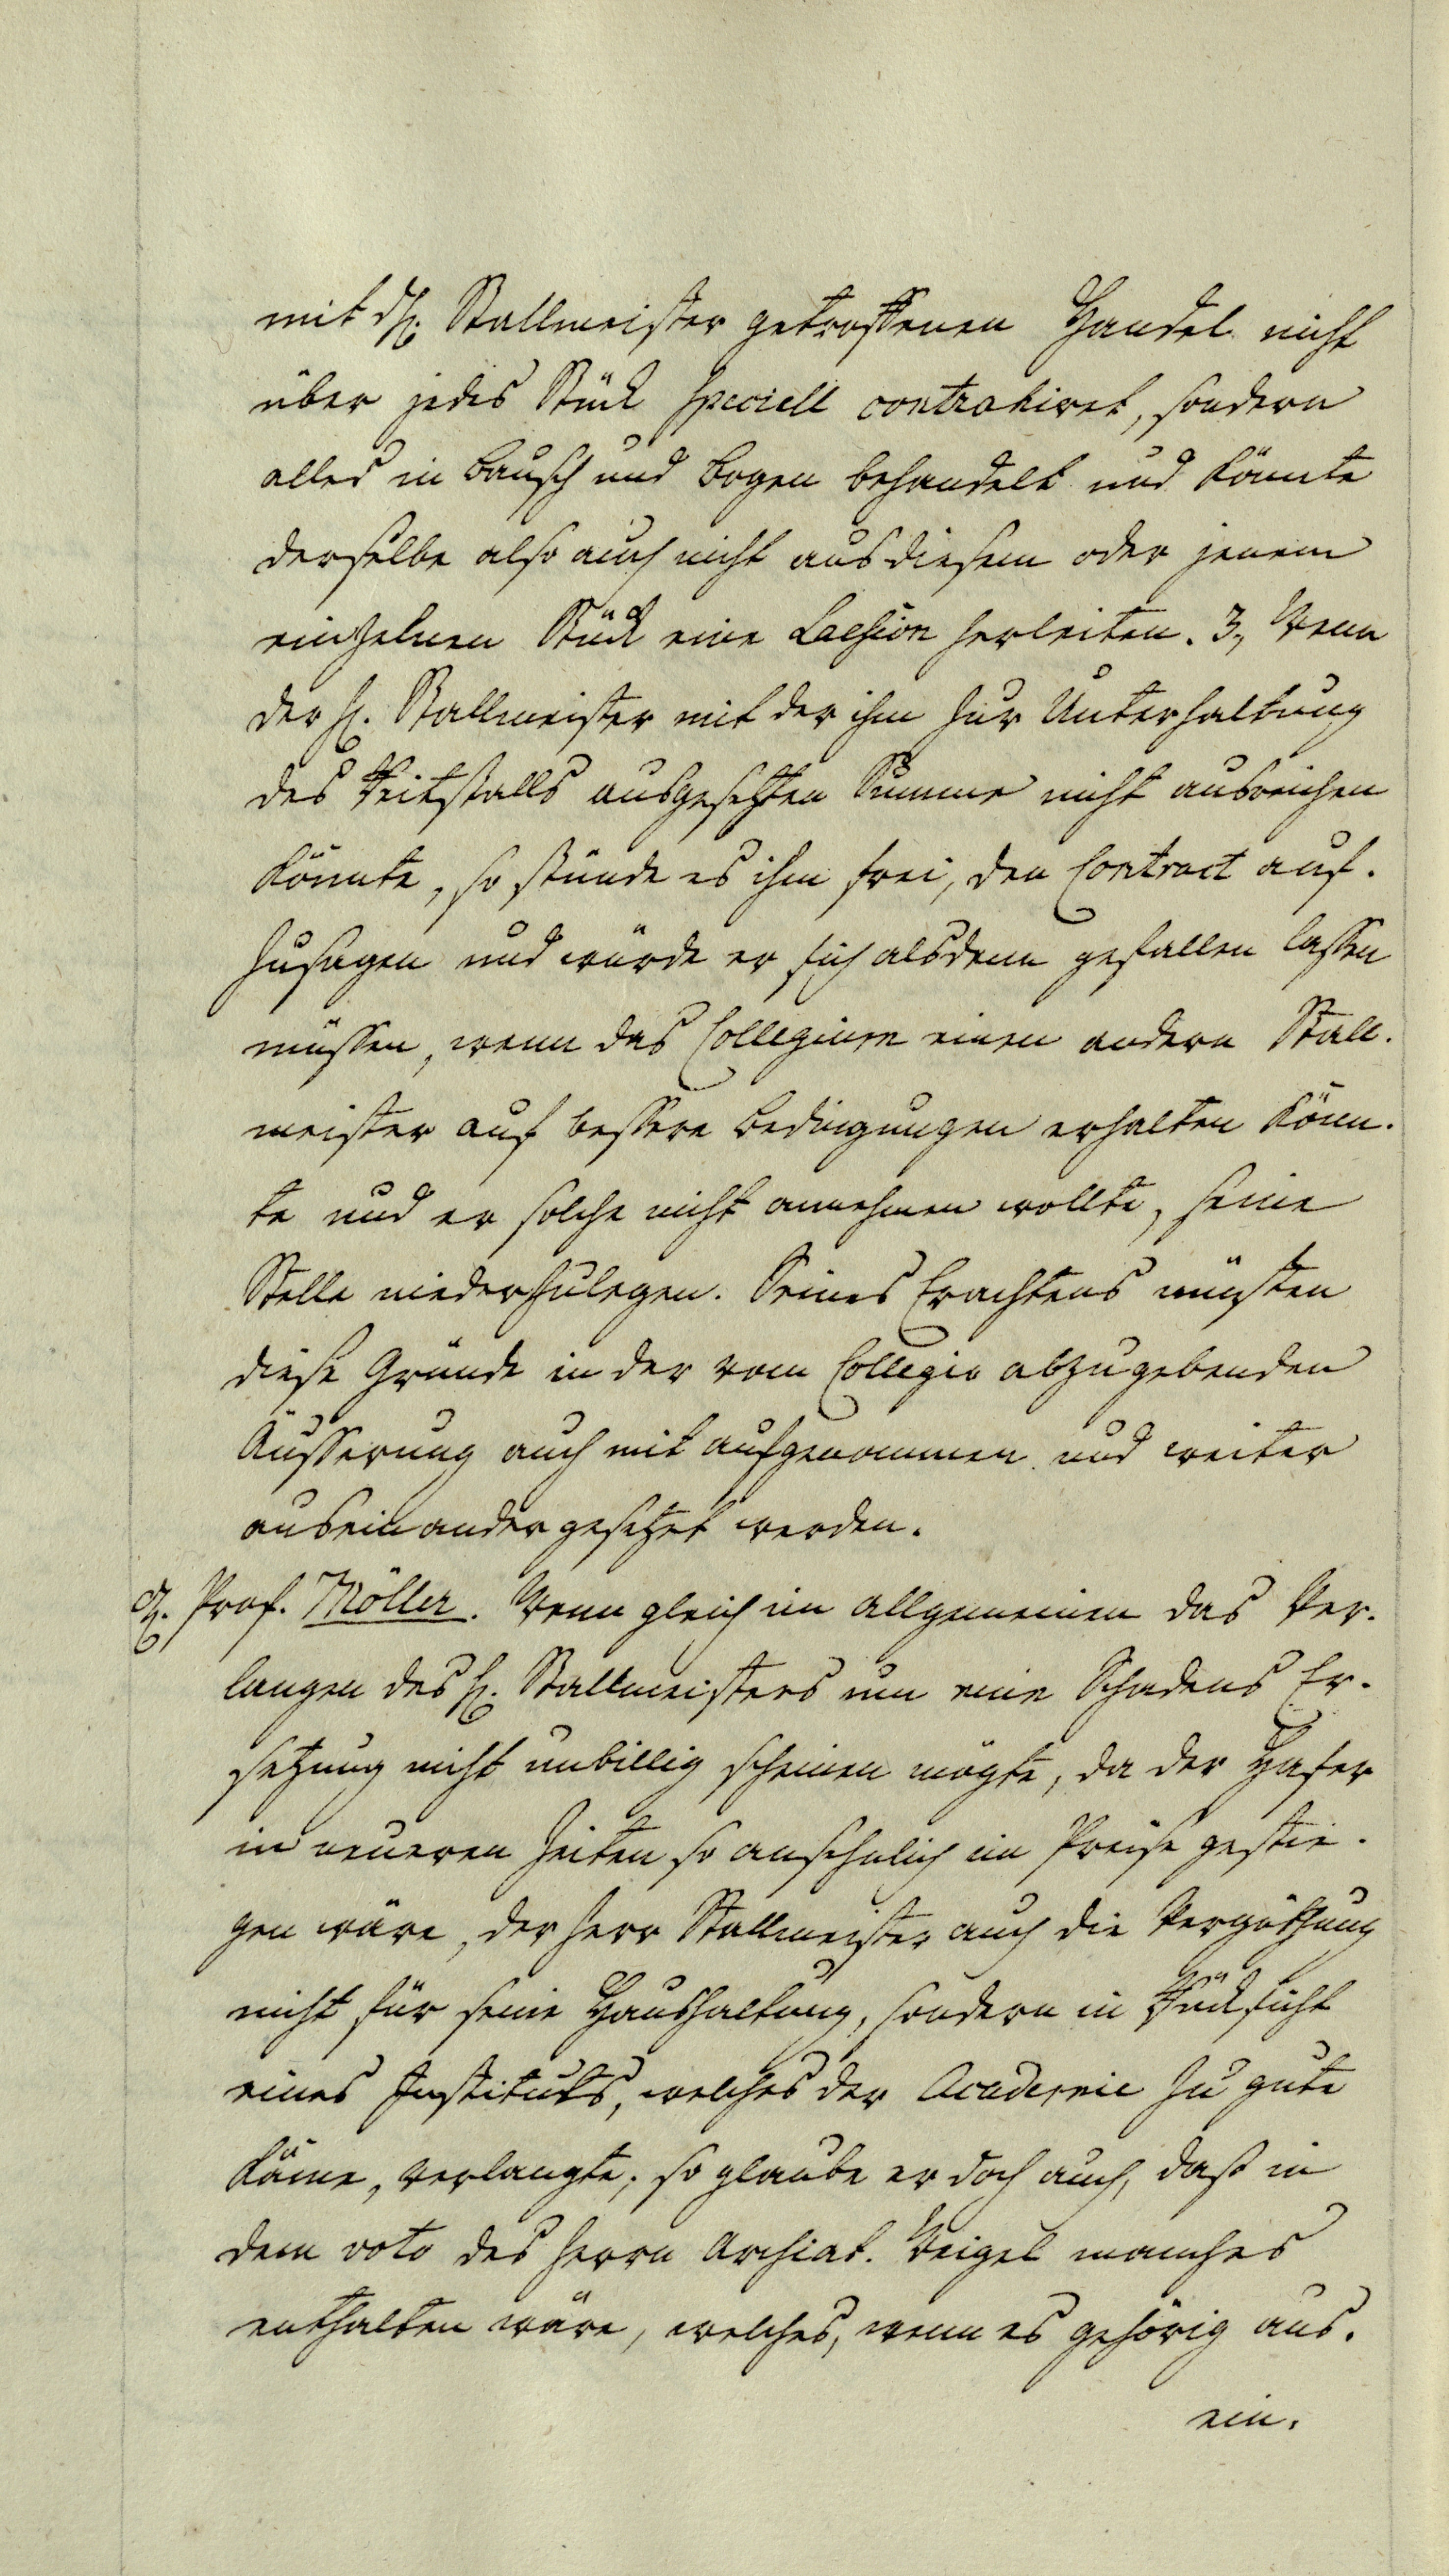mit dh. Stallmister getroffenen Handel nicht
über jedes Stück speciell contrahiret, sondern
alles in Bausch und Bogen behandelt und könnte
derselbe also auch nicht aus diesem oder jenem
einzelnen Stand eine Laesion herleiten. 3., Wenn
der h. Stallmeister mit der ihm zur Unterhaltung
des Reittstalls ausgesetzten Summe nicht ausreichen
könnte, so stünde es ihm frei, den Contract auf¬
zusagen und würde er sich alsdenn gefallen lassen
müssen, wenn das Collegium einen andern Stall¬
meister auf bessere Bedingungen erhalten könn¬
te und er solche nicht annehmen wollte, seine
Stelle niederzulegen. Seines Erachtens müßten
diese Gründe in der vom Collegio abzugebenden
Äusserung auch mit aufgenommen und weiter
auseinander gesetzet werden.
dh. Prof. Möller. Wenn gleich im Allgemeinen das Ver¬
langen des H. Stallmeisters um eine Schadens Er¬
setzung nicht unbillig scheinen mögte, da der Hafer
in neueren Zeiten so ansehnlich in Preise gestie¬
gen wäre, der Herr Stallmeister auch die Vergüthung
nicht für seine Haushaltung, sondern in Rücksicht
eines Instituts, welches der Academie zu gute
käme, verlangte, so glaube er doch auch, daß in
dem voto des Herrn Archiat. Weigel manches
enthalten wäre, welches, wenn es gehörig aus¬
ein¬